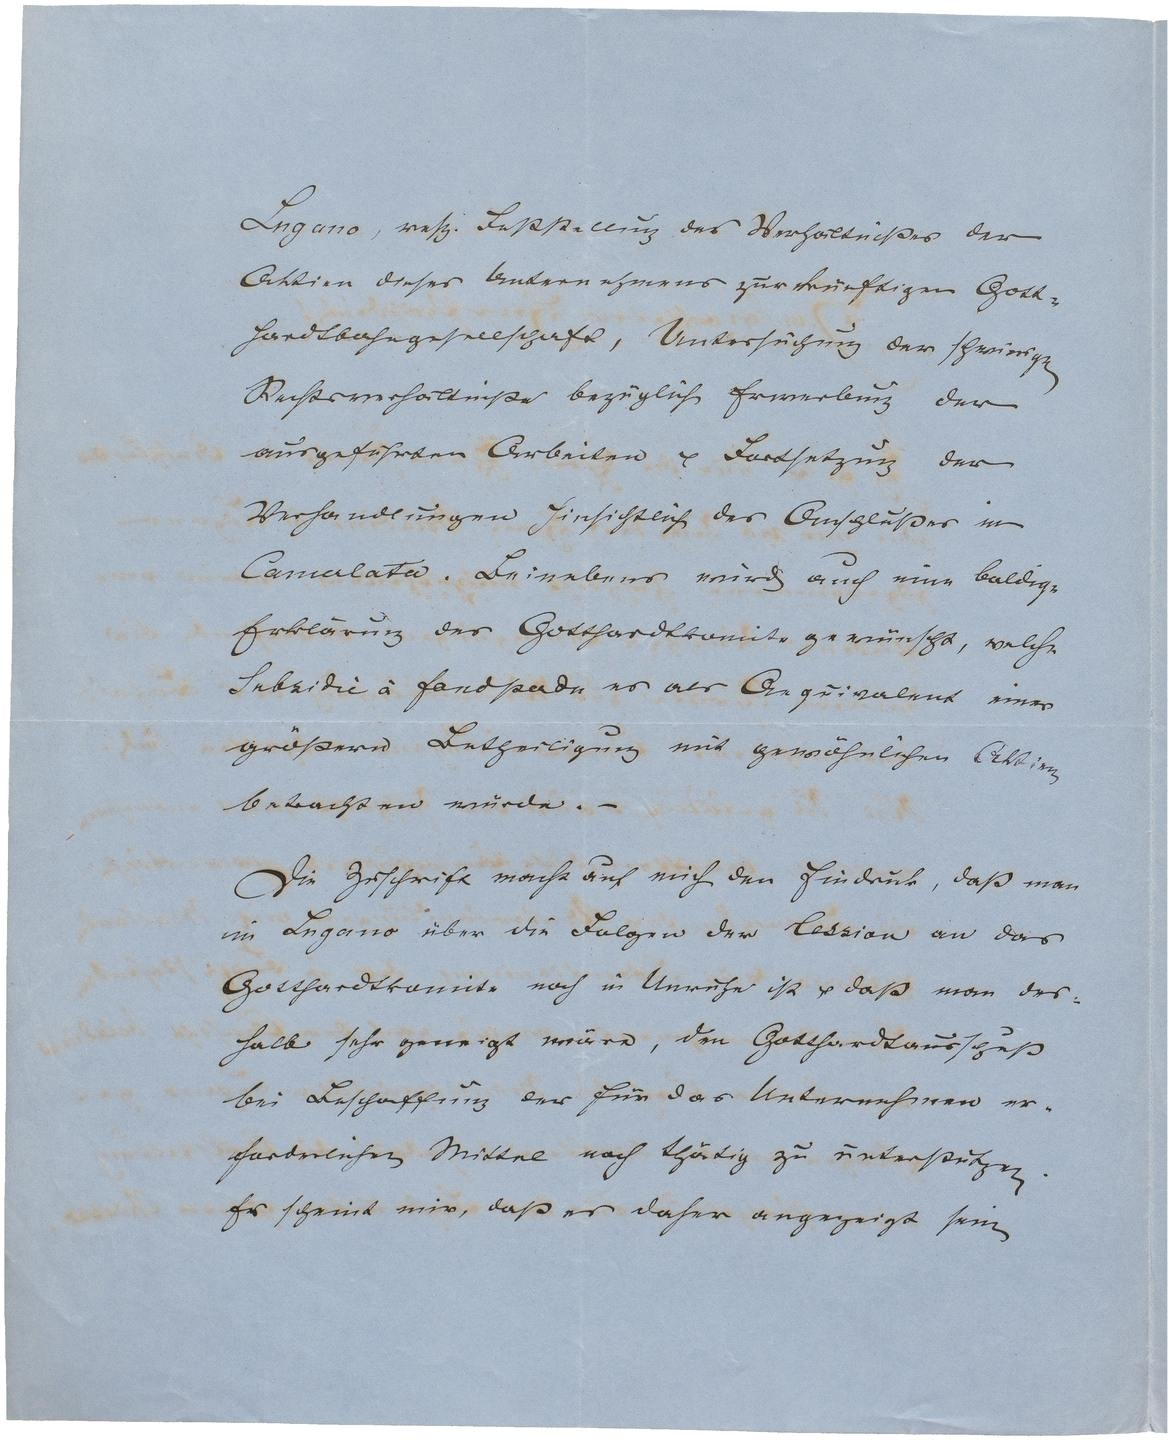Lugano, resp. Feststellung des Verhältnißes der
Aktien dieses Unternehmens zur künftigen Gott-
hardtbahngesellschaft, Untersuchung der schwierigen
Rechtsverhältniße bezüglich Erwerbung der
ausgeführten Arbeiten & Fortsetzung der
Verhandlungen hinsichtlich des Anschlußes in
Camerlata. Beinebens wird auch eine baldige
Erklärung des Gotthardtkomite gewünscht, welche
Subsidie à fond perdu es als Aequivalent einer
größern Betheiligung mit gewöhnlichen Aktien
betrachten würde. –
Die Zuschrift macht auf mich den Eindruk, daß man
in Lugano über die Folgen der Cession an das
Gotthardtkomite noch in Unruhe ist & daß man des-
halb sehr geneigt wäre, den Gotthardtausschuß
bei Beschaffung der für das Unternehmen er-
forderlichen Mittel noch thätig zu unterstützen.
Es scheint mir, daß es daher angezeigt sein